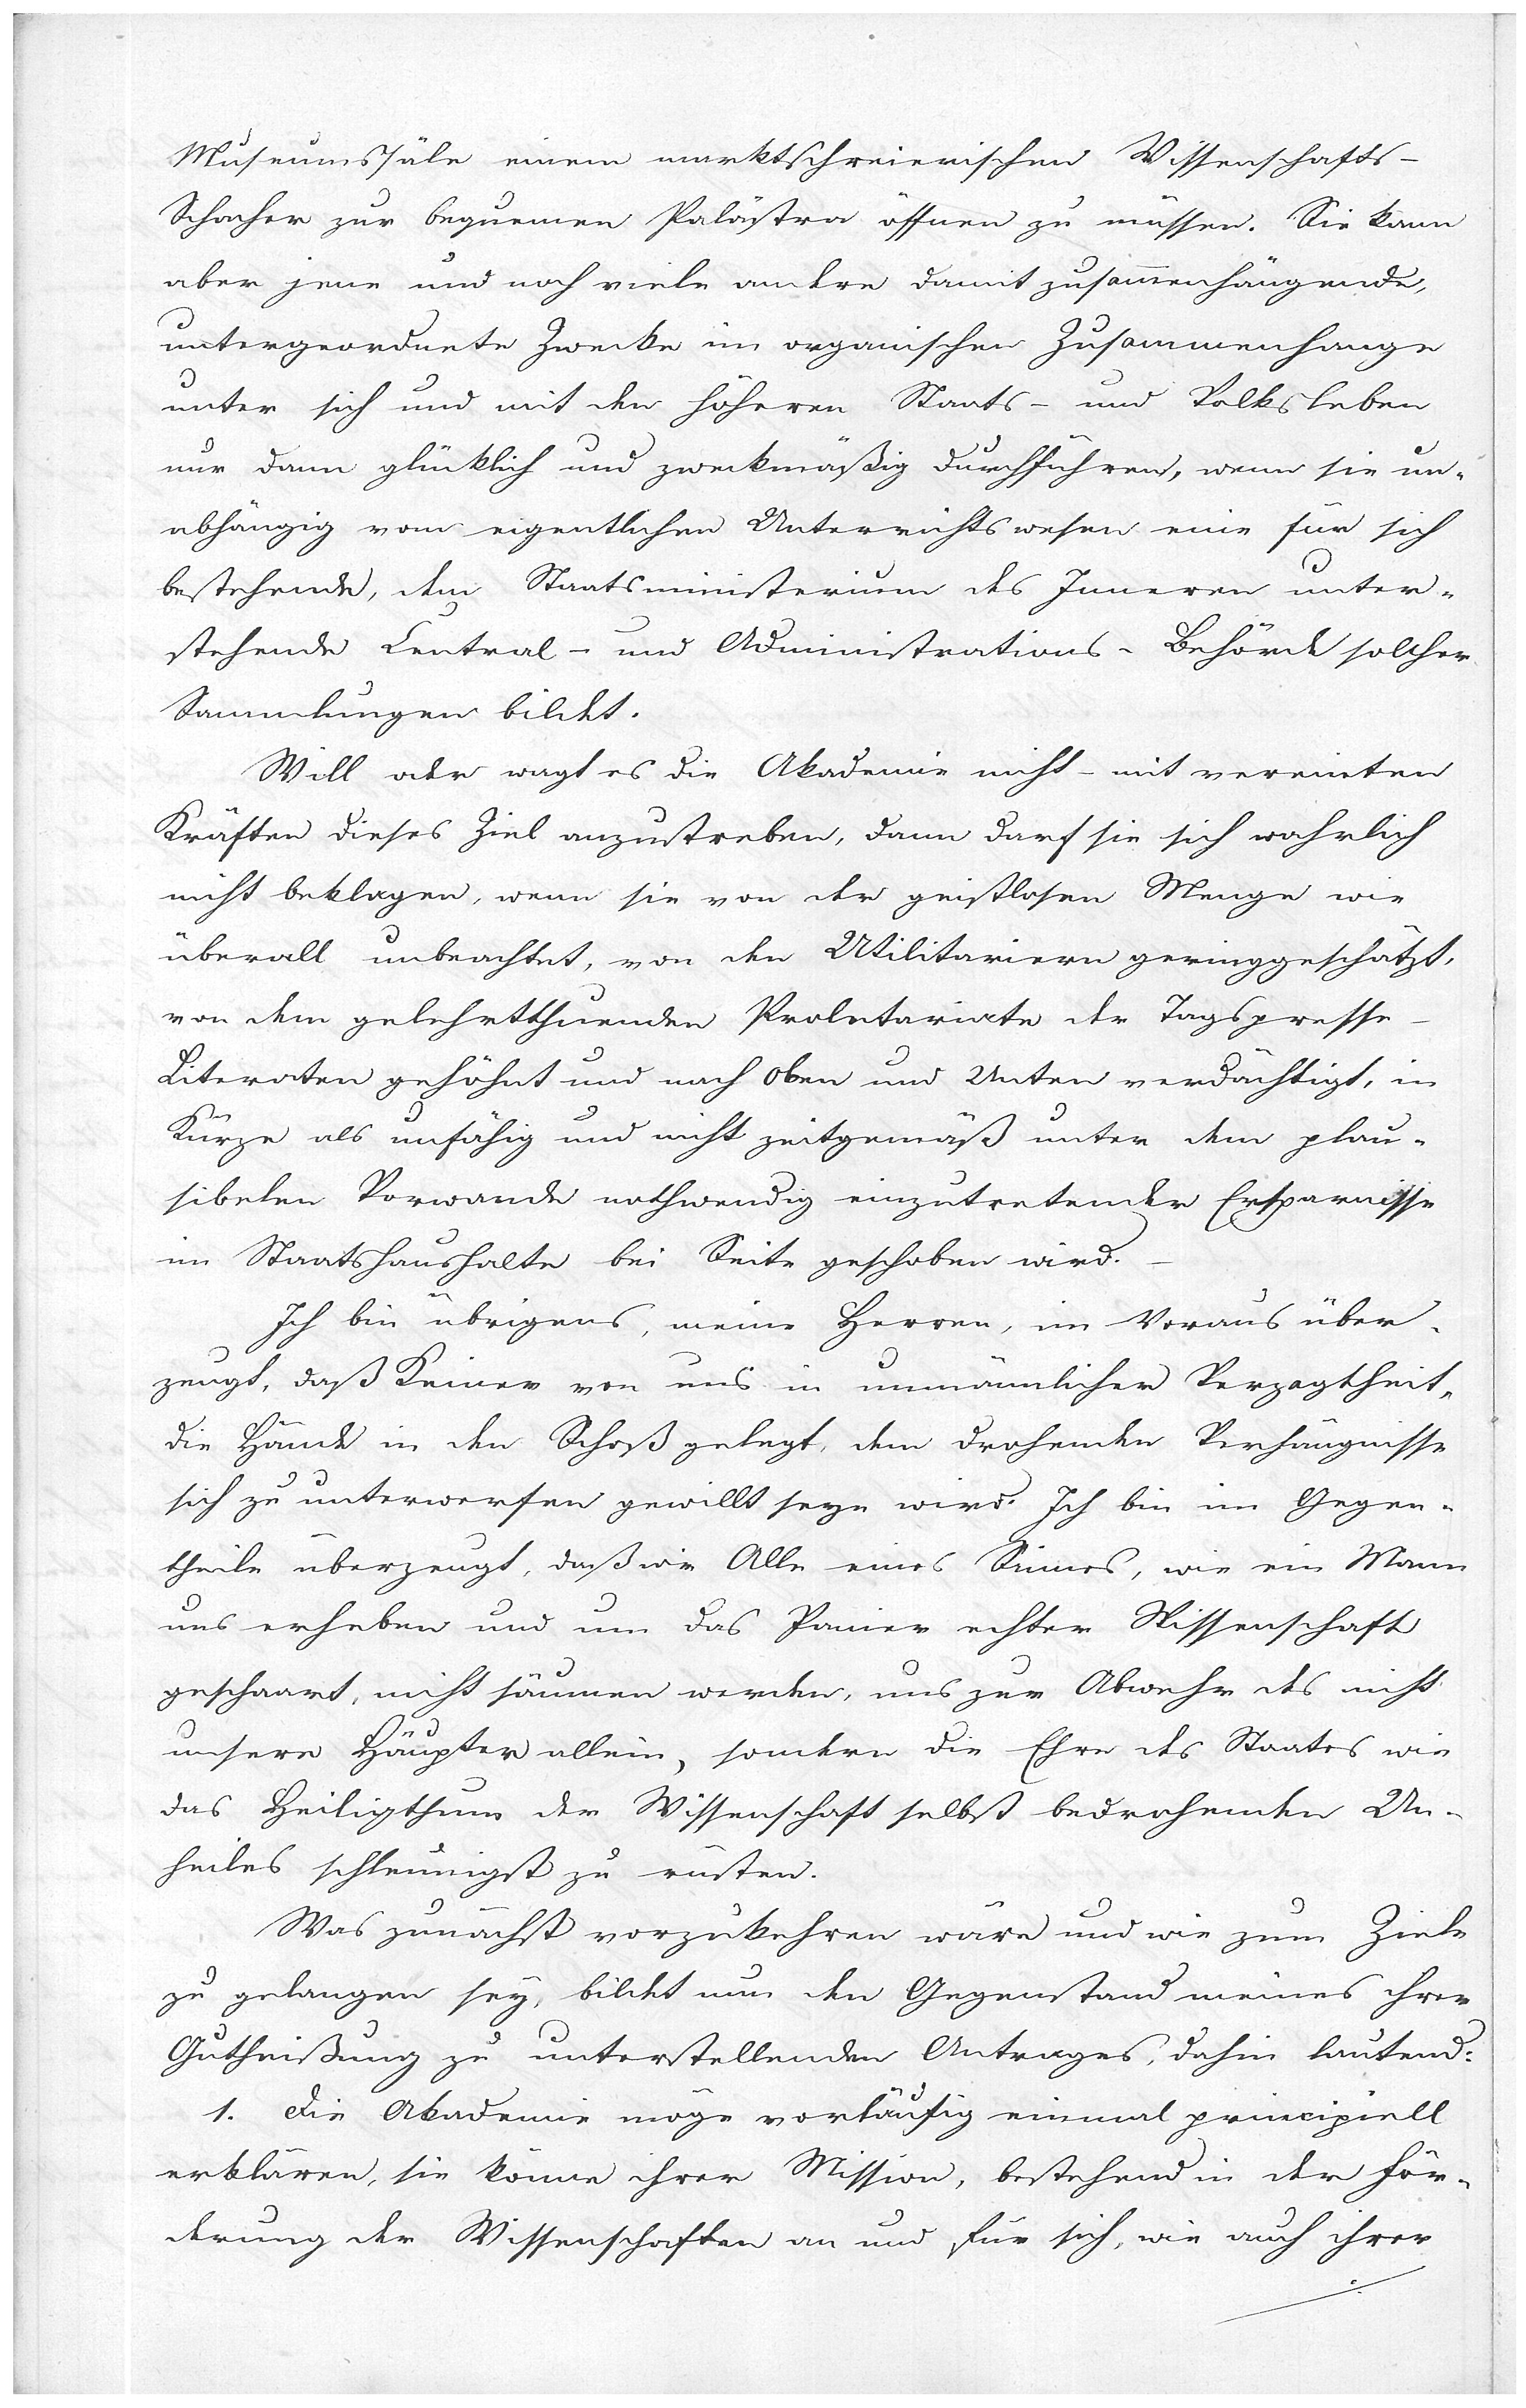Museumssäle einen marktschreierischen Wissenschafts-
Schacher zur bequemen Palästra öffenen zu müssen. Sie kann
aber jene und noch viele andere damit zusammenhängende,
untergeordnete Zwecke im organischen Zusammenhange
unter sich und mit den höheren Staats- und Volksleben
nur dann glücklich und zweckmäßig durchführen, wenn sie un-
abhängig vom eigentlichen Unterichtswesen eine für sich
bestehende, dem Staatsmimisterum des Inneren unter-
stehenden Central- und Administrations-Behörde solcher
Sammlungen bildet.
Will oder wagt es die Akademie nicht mit vereinigten
Kräften dieses Ziel anzustreben, dann darf sie sich wahrlich
nicht beklagen, wenn sie von der geistlosen Menge wir
überall unbeachtet, von den Utilitariern geringgeschätzt,
von dem gelehrtthuenden Proletariate der Tagspresse-
Literaten gehöhnt und nach Oben und Unten verdächtigt, in
Kürze als unfähig und nicht zeitgemäß unter dem plau-
sibelen Vorwande nothwendig einzutretender Ersparnisse
in Staatshaushalte bei Seite geschoben wird.
Ich bin übrigens, meine Herren, im Voraus über-
zeugt, daß Keiner von uns in unmännlicher Verzagtheit,
die Hände in den Schoß gelegt, dem drohenden Verhängnisse
sich zu unterwerfen gewillt seyn wird. Ich bin im Gegen-
theile überzeugt, daß wir Alle eines Sinnes, wie ein Mann
uns erheben und um das Panier echter Wissenschaft
geschaart, nicht säumen werden, uns zur Abwehr des nicht
unsere Häupter allein, sondern die Ehre des Staates wie
das Heiligthum der Wissenschaft selbst bedrohenden Un-
heiles schleunigst zu rüsten.
Was zunächst vorzukehren wäre und wie zum Ziele
zu gelangen sey, bildet nun den Gegenstand meines ihrer
Gutheißung zu unterstellenden Antrages, dahin laufend:
1. Die Akademie möge vorläufig einmal principiell
erklären, die könne ihrer Mission, bestehend in der För-
derung der Wissenschaften an und für sich, wie auch ihrer